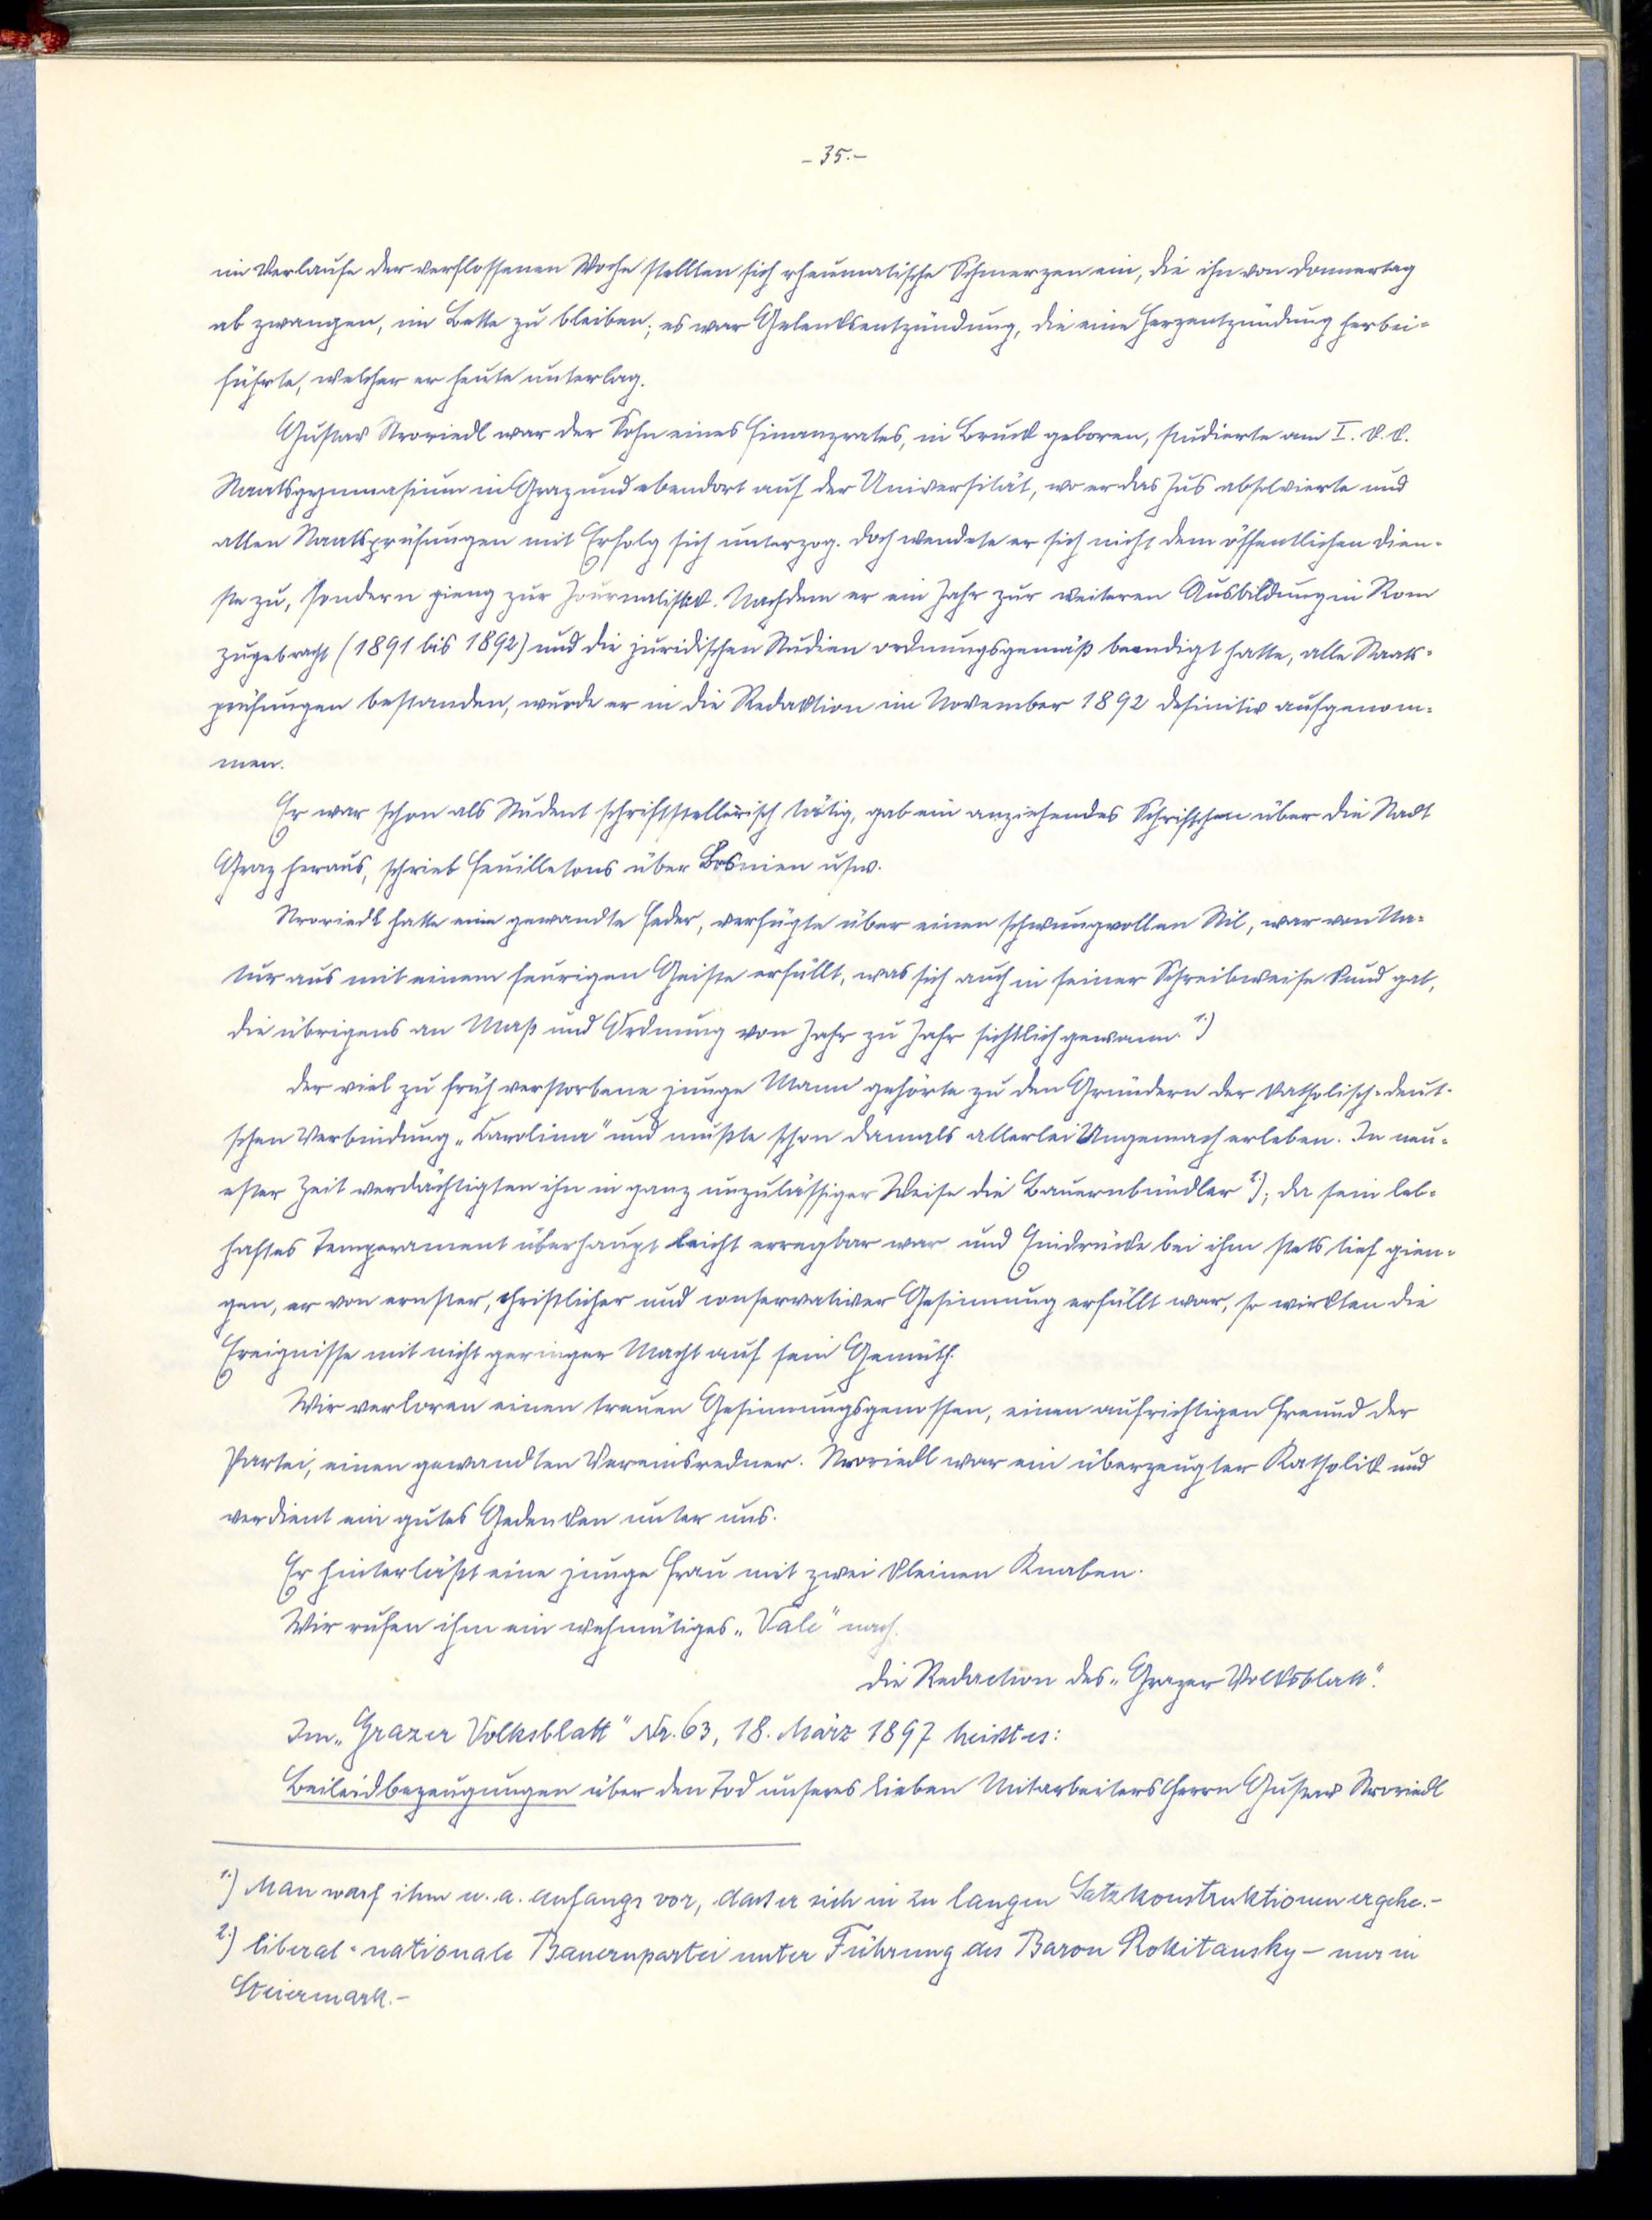35.
im Verlaufe der verflossenen Wochen stellten sich rheumatische Schmerzen ein, die ihn von Donnerstag
ab zwangen, im Bette zu bleiben, es war Gelenksentzündung, die eine Herzentzündung herbei-
führte, welcher er heute unterlag.
Gustav Stroriedl war der Sohn eines Finanzrates, in Bruck geboren, studierte am I. k.k.
Staatsgymnasium in Graz und ebendort auf der Universität, wo er das Jus absolvierte und
allen Staatsprüfungen mit Erfolg sich unterzog. Doch wendete er sich nicht dem öffentlichen Dien-
ste zu, sondern ging zur Journalistik. Nachdem er ein Jahr zur weiteren Ausbildung in Rom
zugebracht (1891 bis 1892) und die juridischen Studien ordnungsgemäß beendigt hatte, alle Staats-
prüfungen bestanden, wurde er in die Redaktion im November 1892 definitiv aufgenom-
men.
Er war schon als Student schriftstellerisch tätig, gab ein anziehendes Schriftchen über die Stadt
Graz heraus, schrieb Feuilletons über Bosnien usw.
Stroriedl hatte eine gewandte Feder, verfügte über einen schwungvollen Still, war von Na-
tur aus mit einem feurigen Geiste erfüllt, was sich auch in seiner Schreibweise kund gab,
die übrigens an Maß und Ordnung von Jahr zu Jahr sichtlich gewann.
Der viel zu früh verstorbene junge Mann gehörte zu den Gründern der katholisch-deut-
schen Verbindung "Carolina" und musste schon damals allerlei Ungemach erleben. In neu-
ester Zeit verdächtigten ihn in ganz unzulässiger Weise die Bauernbündler 2.), da sein leb-
haftes Temperament überhaupt leicht erregbar war und Eindrücke bei ihm stets tief gin-
gen, er von ernster, christlicher und konservativer Gesinnung erfüllt war, so wirkten die
Ereignisse mit nicht geringer Macht auf sein Gemüth.
Wir verloren einen treuen Gesinnungsgenossen, einen aufrichtigen Freund der
Parte, einen gewandten Vereinsredner. Stroriedl war ein überzeugter Katholik und
verdient ein gutes Gedenken unter uns.
Er hinterlässt eine junge Frau mit zwei kleinen Knaben
Wir rufen ihm ein wehmütiges „Vale“ nach
die Redaction des Grazer Volksblatt".
Im "Grazer Volksblatt" Nr. 63, 18. März 1897 heißt es:
Beileidbezeugungen über den Tod unseres lieben Mitarbeiters Herrn Gustav Stroriedl
1.) Man warf ihm u.a. anfangs vor, daß er sich in zu langen Satzkonstruktionen ergehe.-
2.) liberal-nationale Bauernpartei unter Führung des Baron Rokitausky - nur in
Steiermark.-